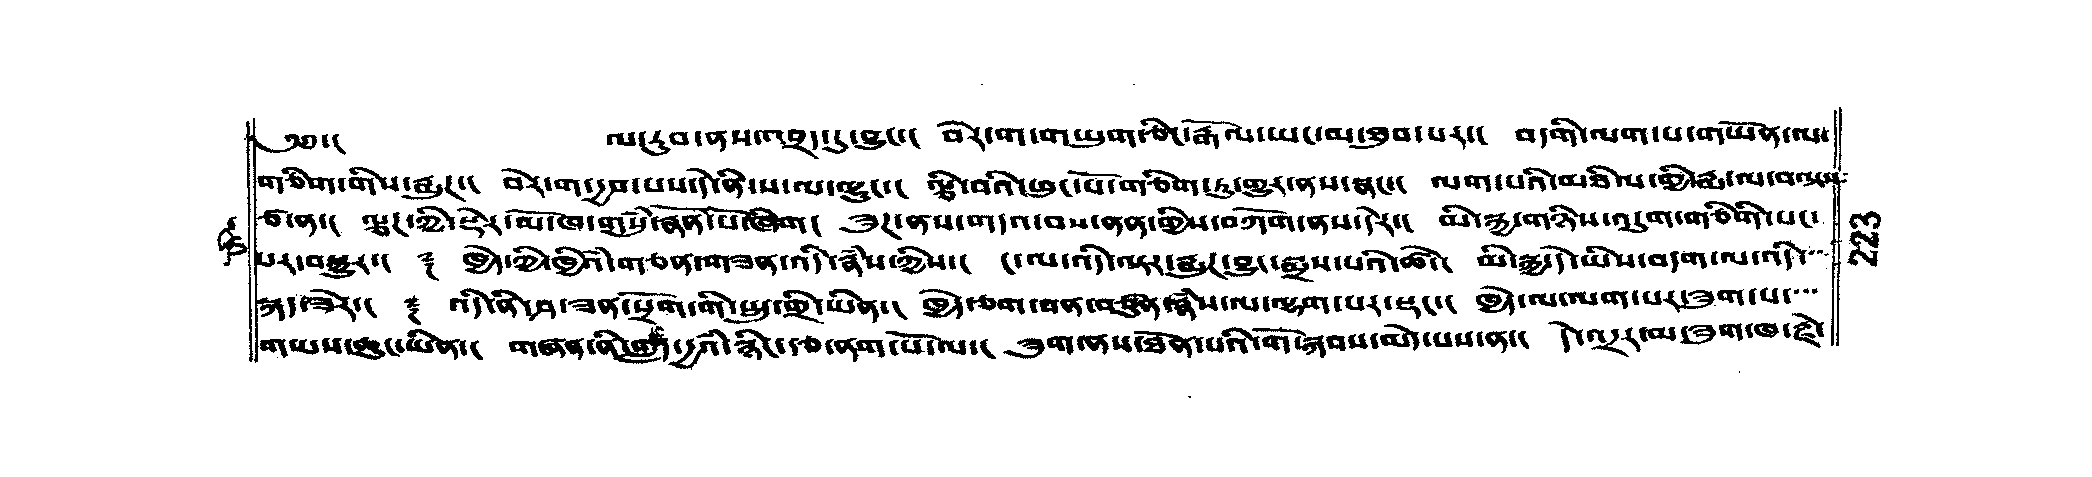ལ་རུབ་ནས་འབྲད་དུ་བྱུང་། །བེར་ཀ་གཡུག་ཅིང་རྒོལ་ཡང་མ་ཐུབ་པར། །བདག་གི་ལག་པ་གཡོན་ལ་
གཅིག་གིས་རྨུགས། །བེར་ཀ་རྒྱབ་པས་དེ་ནི་ས་ལ་ལྷུང་། །ལྕི་བའི་ཕུང་པོ་གཅིག་ཏུ་གྱུར་ནས་སྣང་། །ལག་པའི་མཐིལ་གྱི་རྨ་ལ་བལྟས་
ཙ་ན། །ལྕགས་ཀྱི་སྡེར་མོ་ཁ་གསུམ་རྣོན་པོ་ཞིག །ཟུགས་ནས་གདའ་བས་ནན་གྱིས་བཀོག་ནས་དེར། །མི་སྐྱ་གཉིས་འདུག་གཅིག་གི་པང་
པར་བསྐྱུར། ༈ ཁྱེད་ཀྱི་ཁྱིའམ་གཅན་གཟན་འདི་རྣམས་ཀྱིས། །ང་ལ་འདི་ལྟར་རྨུགས་བྱུང་སྨྲས་པའི་ཚེ། །མི་སྐྱ་དེ་ཡིས་བདག་ལ་འདི་
སྐད་ཟེར། ༈ འདི་ནི་ཤ་ཟན་སྲོག་གི་སྤུ་གྲི་ཡིན། །ཁྱེད་ཅག་བན་བཙུན་རྣམས་ལ་ལྷག་པར་སྡང་། །ཁྱེད་ལ་ལག་པར་ཟུག་པ་
གཡས་ཆུང་ཡིན། །གཞན་ནི་གླད་རྒྱའམ་སྙིང་རྩ་ནག་པོ་ལ། །ཟུག་ནས་ཐོན་པའི་གོ་སྐབས་མེད་པས་ན། །དེ་འདྲར་མ་ཟུག་ཁ་རྗེ་